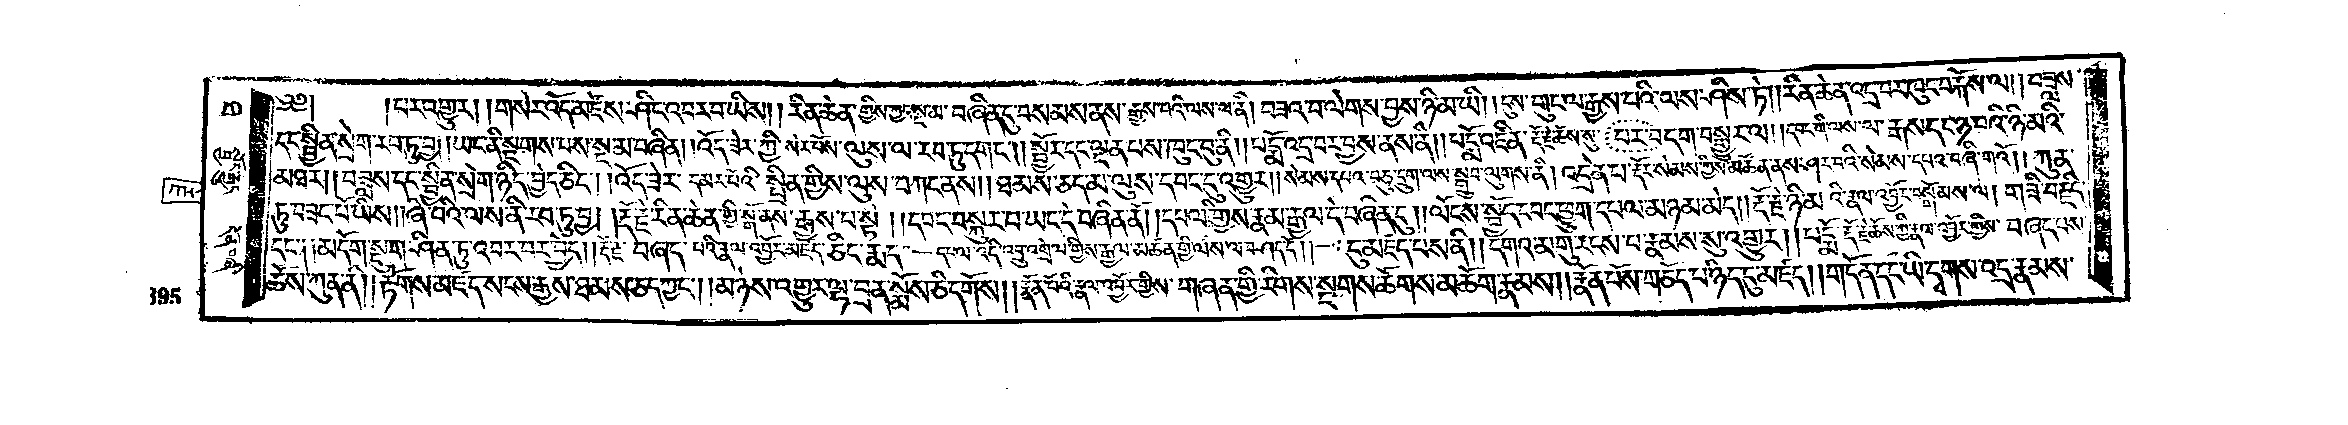༄༅། །བར་འགྱུར། །གསེར་འོད་མཛེས་ཤིང་འབར་བ་ཡིས། །རིན་ཆེན་གྱིས་ཀྱང་སྔ་མ་བཞིན་དུ་བསམས་ནས་རྒྱས་པའི་ལས་ལ་ནི།  བཟའ་བ་ལེགས་བྱས་ཉི་མ་ཡི། །དུས་གུང་ལ་རྒྱས་པའི་ལས་ཤིས་ཏེ། །རིན་ཆེན་འདྲ་བར་ཁུང་བརྐོས་ལ། །བཟླས་
དང་སྦྱིན་སྲེག་རབ་ཏུ་བྱ། །ཡང་ནི་སྔགས་པས་སྔ་མ་བཞིན། །འོད་ཟེར་ཀྱི་སེར་པོས་ལུས་ལ་རབ་ཏུ་དགང་། །སྦྱོར་དང་ལྡན་པས་ཁུང་བུ་ནི། །པདམོ་འདྲ་བར་བྱས་ནས་ནི། །པདམོ་འཛིན་རྡོ་རྗེ་ཆོས་སུ་པར་བདག་བསྒྱུར་ལ། ། དབང་གི་ལས་ལ་རྒས་དང་ཉེ་བའི་ཉི་མའི་
མཐར། །བཟླས་དང་སྦྱིན་སྲེག་ཉིད་བྱེད་ཅིང་། །འོད་ཟེར་དམར་པོའི་སྤྲིན་གྱིས་ལུས་བཀང་ནས། །ཐམས་ཅད་མ་ལུས་དབང་དུ་འགྱུར། ། སེམས་དཔའ་བཅུ་དྲུག་ལས་སྒྲུབ་ལུགས་ནི།  འདྲེན་པ་རྡོར་སེམས་ཀྱིས་མཚོན་ནས་ཤར་བའི་སེམས་དཔའ་བཞི་གའོ།  །ཀུན་
ཏུ་བཟང་པོ་ཡིས། །ཞི་བའི་ལས་ནི་རབ་ཏུ་བྱ། །རྡོ་རྗེ་རིན་ཆེན་གྱི་སྒོ་ནས་རྒྱས་པ་སྟེ། །དབང་བསྐུར་བ་ཡང་དེ་བཞིན་ནོ། །དཔལ་གྱིས་རྣམ་རྒྱལ་དེ་བཞིན་དུ། །ལོངས་སྤྱོད་དབང་ཕྱུག་དཔལ་མཉམ་མེད། །རྡོ་རྗེ་ཉི་མའི་རྣལ་འབྱོར་བསྒོམས་ལ།  གཟི་བརྗིད་
དང་། །མདོག་སྡུག་ཤིན་ཏུ་འབར་བར་བྱེད། ། རྡོ་རྗེ་བཞེད་པའི་རྣལ་འབྱོར་མཛད་ཅིང་རྨད་H.་དཔལ་འདི་འབྲུ་འགྲེལ་གྱིས་རྒྱལ་མཚན་གྱི་ལས་ལ་བཤད་དོ།  །དུ་མཛད་པས་ནི། །དགའ་མགུ་རངས་པ་རྣམས་སུ་འགྱུར། །པདམོ་རྡོ་རྗེ་ཆོས་ཀྱི་རྣལ་འབྱོར་གྱིས་བཞད་པས་
ཆོས་ཀུན་ནི། །རྟོགས་མཛད་སངས་རྒྱས་ཐམས་ཅད་ཀྱང་། །མཉེས་འགྱུར་ལྷ་བྲན་སྨོས་ཅི་དགོས། ། རྣོན་པོའི་རྣལ་འབྱོར་གྱིས་གཞན་གྱི་རིགས་སྔགས་ཆོགས་མཆོག་རྣམས། །རྣོན་པོས་གཅོད་པ་ཉིད་དུ་མཛད། །གདོན་དང་ཡི་དྭགས་འདྲ་རྣམས་